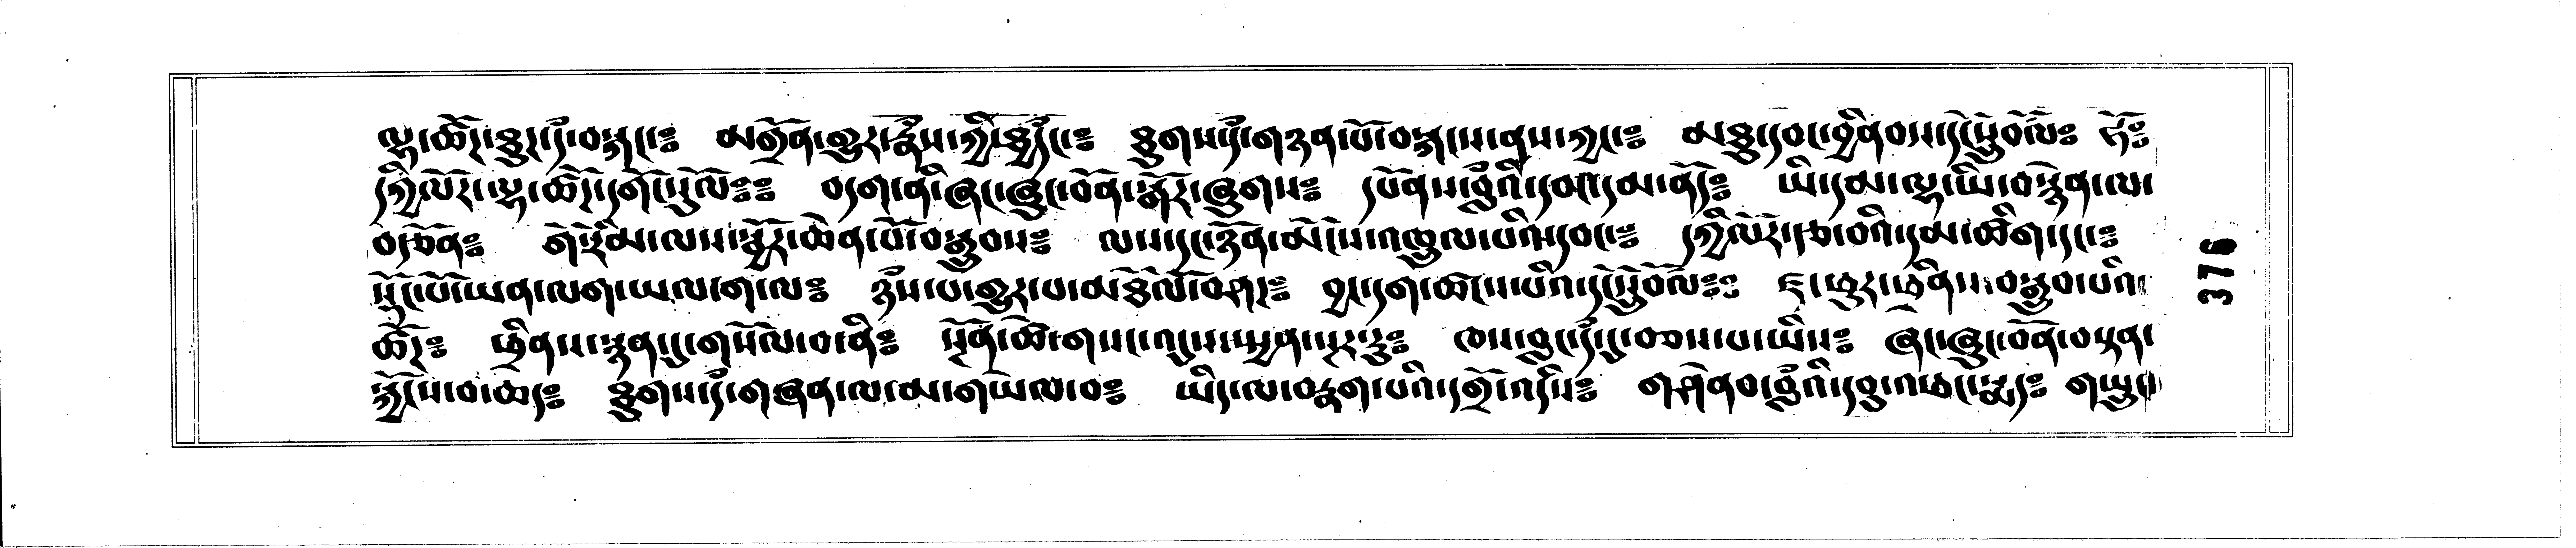ལྷ་ཚོགས་ཐུགས་དམ་བསྐང་༔ མགྲོན་གྱུར་རྣམས་ཀྱི་ཐུགས་དམ་བསྐང་༔ ཐུགས་དམ་གཉན་པོ་བསྐངས་ནས་ཀྱང་༔ མཐུ་དབང་བྱིན་རླབས་དངོས་གྲུབ་གསོལ༔ ཧོ༔
 དཀྱིལ་འཁོར་ལྷ་ཚོགས་དགོངས་སུ་གསོལ༔ བདག་ནི་ཞང་ཞུང་བོན་སྒོར་ཞུགས༔ དཔོན་གསས་བླ་མའི་དབང་དམ་ནོད༔ ཡི་དམ་ལྷ་ཡི་བསྙེན་ལ་
བརྩོན༔ གོ་རིམ་ལས་སྦྱོར་ཆེན་པོ་བསྒྲུབས༔ ལས་དང་ཉོན་མོངས་འཁྲུལ་པའི་དབང་༔ དཀྱིལ་འཁོར་རྩ་བའི་དམ་ཚིག་དང་༔ 
སྡོང་པོ་ཡན་ལག་ཡལ་ག་ལ༔ ཉམས་པ་གྱུར་པ་མཐོལ་ལོ་བཤགས༔ བྱང་དག་ཚངས་པའི་དངོས་གྲུབ་གསོལ༔༔ ཛྭ་ཕུར་ཕྲིན་ལས་བསྒྲུབ་པའི་
ཚོགས༔ ཕྲིན་ལས་སྙན་དུ་གསོལ་བ་ནི༔ སྔོན་ཚེ་གསང་འདུས་སྤྱན་སྔར་རུ༔ ཁས་བླང་དམ་དུ་བཅས་པ་ཡིས༔ ཞང་ཞུང་བོན་བསྟན་
སྐྱོང་བ་ཆད༔ ཐུགས་དམ་གཞན་ལ་མ་གཡེལ་བ༔ ཡིད་ལ་བརྣག་པའི་དགྲ་བོ་འདིས༔ གཤེན་རབ་བླ་མའི་དབུ་འཕང་སྨད༔ གཡུང་དྲུང་